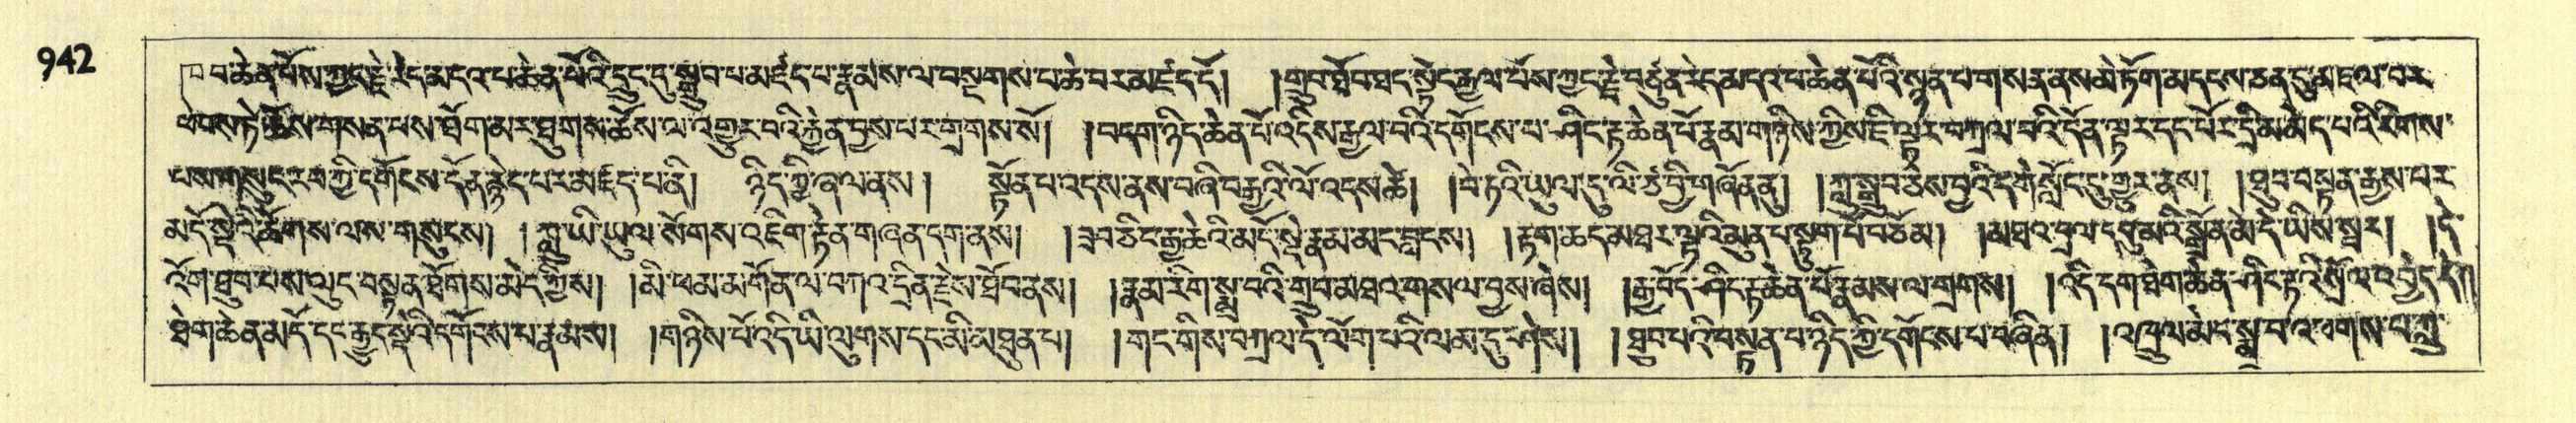ཁབ་ཆེན་པོས་ཀྱང་རྗེ་རེད་མདའ་པ་ཆེན་པོའི་དྲུང་དུ་སྒྲུབ་པ་མཛད་པ་རྣམས་ལ་བསྔགས་པ་ཆེ་བར་མཛད་དོ། །གྲུབ་ཐོབ་ཐང་སྟེང་རྒྱལ་པོས་ཀྱང་རྗེ་བཙུན་རེད་མདའ་པ་ཆེན་པོའི་སྙན་པ་གསན་ནས་མེ་ཏོག་མདངས་ཅན་དུ་མཇལ་བར་
ཕེབས་ཏེ་ཆོས་གསན་པས་ཐོག་མར་ཐུགས་ཆོས་ལ་འགྱུར་བའི་རྐྱེན་བྱས་པར་གྲགས་སོ། །བདག་ཉིད་ཆེན་པོ་འདིས་རྒྱལ་བའི་དགོངས་པ་ཤིང་རྟ་ཆེན་པོ་རྣམ་གཉིས་ཀྱིས་ཇི་ལྟར་བཀྲལ་བའི་དོན་ལྟར་དང་པོར་དྲི་མ་མེད་པའི་རིགས་
པས་གསུང་རབ་ཀྱི་དགོངས་དོན་རྙེད་པར་མཛད་པ་ནི། ཉིད་ཀྱི་ཞལ་ནས། སྟོན་པ་འདས་ནས་བཞི་བརྒྱའི་ལོ་འདས་ཚེ། །བེ་ཏའི་ཡུལ་དུ་ལི་ཙ་བྱི་གཞོན་ནུ། །ཀླུ་སྒྲུབ་ཅེས་བྱའི་དགེ་སློང་དུ་གྱུར་ནས། །ཐུབ་བསྟན་རྒྱས་པར་
མདོ་སྡེའི་ཆོགས་ལས་གསུངས། །ཀླུ་ཡི་ཡུལ་སོགས་འཇིག་རྟེན་གཞན་དག་ནས། །ཟབ་ཅིང་རྒྱ་ཆེའི་མདོ་སྡེ་རྣམ་མང་བླངས། །རྟག་ཆད་མཐར་ལྟའི་མུན་པ་སྟུག་པོ་བཅོམ། །མཐའ་བྲལ་དབུ་མའི་སྒྲོན་མེ་དེ་ཡིས་སྦར། །དེ་
འོག་ཐུབ་པས་ལུང་བསྟན་ཐོགས་མེད་ཀྱིས། །མི་ཕམ་མགོན་ལ་བཀའ་དྲིན་རྗེས་ཐོབ་ནས། །རྣམ་རིག་སྨྲ་བའི་གྲུབ་མཐའ་གསལ་བྱས་ཞེས། །རྒྱ་བོད་ཤིང་རྟ་ཆེན་པོ་རྣམས་ལ་གྲགས། །འདི་དག་ཐེག་ཆེན་ཤིང་རྟའི་སྲོལ་འབྱེད་དེ།།
ཐེག་ཆེན་མདོ་དང་རྒྱུད་སྡེའི་དགོངས་པ་རྣམས། །གཉིས་པོ་འདི་ཡི་ལུགས་དང་མི་མཐུན་པ། །གང་གིས་བཀྲལ་དེ་ལོག་པའི་ལམ་དུ་ཤེས། །ཐུབ་པའི་བསྟན་པ་ཉིད་ཀྱི་དགོངས་པ་བཞིན། །འཁྲུལ་མེད་སྨྲ་བ་འཕགས་པ་ཀླུ་